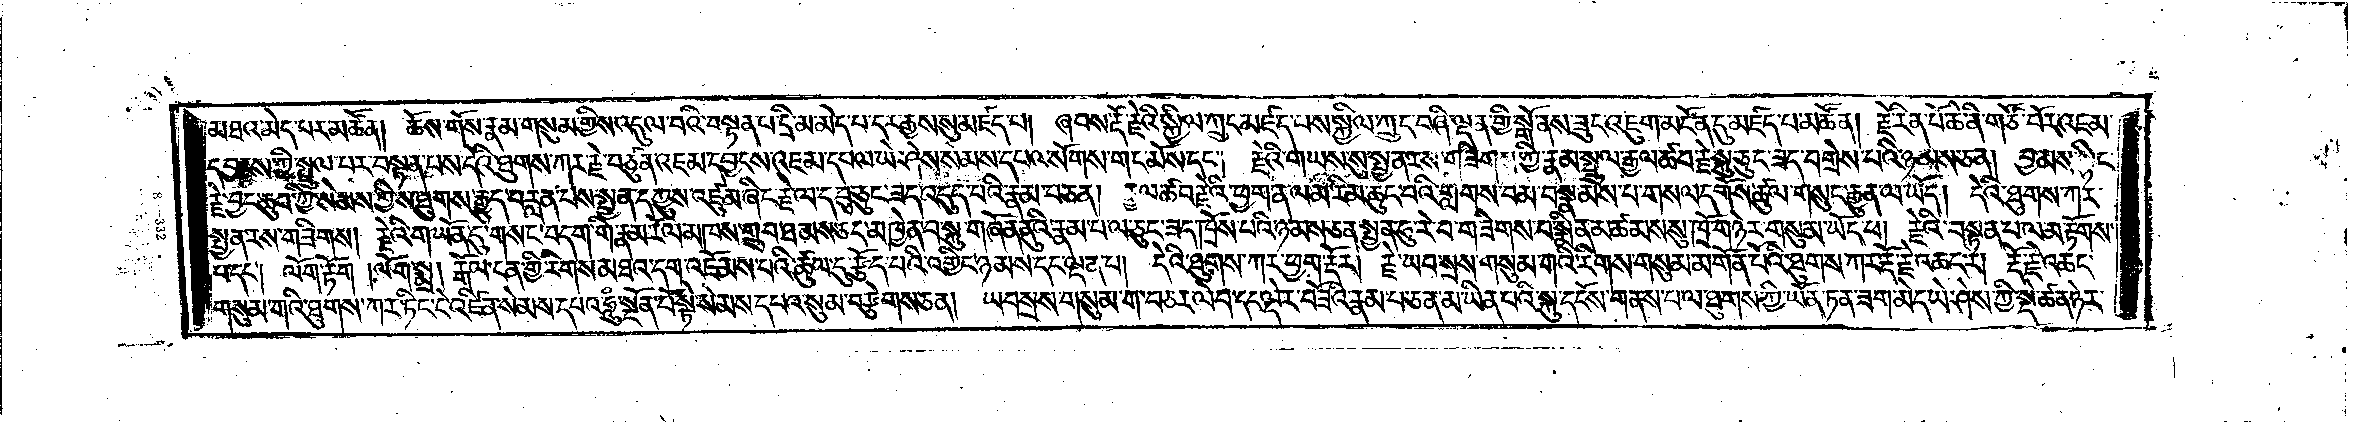མཐའ་མེད་པར་མཚོན། ཆོས་གོས་རྣམ་གསུམ་གྱིས་འདུལ་བའི་བསྟན་པ་དྲི་མ་མེད་པ་དར་རྒྱས་སུ་མཛད་པ། ཞབས་རྡོ་རྗེའི་སྐྱིལ་ཀྲུང་མཛད་པས་སྐྱིལ་ཀྲུང་བཞི་ལྡན་གྱི་སྒོ་ནས་ཟུང་འཇུག་མངོན་དུ་མཛད་པ་མཚོན། རྗེ་རིན་པོ་ཆེ་ནི་གཙོ་བོར་འཇམ་
དབྱངས་ཀྱི་སྤྲུལ་པར་བསྟན་པས་དེའི་ཐུགས་ཀར་རྗེ་བཙུན་འཇམ་དབྱངས་འཇམ་དཔལ་ཡེ་ཤེས་སེམས་དཔའ་སོགས་གང་མོས་དང་། རྗེའི་གཡས་སུ་སྤྱན་རས་གཟིགས་ཀྱི་རྣམ་སྤྲུལ་རྒྱལ་ཚབ་རྗེ་སྐུ་ཅུང་ཟད་བགྲེས་པའི་ཉམས་ཅན། བྱམས་སྙིང་
རྗེ་བྱང་ཆུབ་ཀྱི་སེམས་ཀྱིས་ཐུགས་རྒྱུད་བརླན་པས་སྤྱན་དཀྱུས་འཛུམ་ཞིང་རྗེ་ལ་དབུ་ཅུང་ཟད་འདུད་པའི་རྣམ་པ་ཅན། རྒྱལ་ཚབ་རྗེའི་ཕྱག་ན་ལམ་རིམ་ཆུང་བའི་གླེགས་བམ་བསྣམས་པ་གསལ་དགོས་ཚུལ་གསུང་རྒྱུན་ལ་ཡོད། དེའི་ཐུགས་ཀར་
སྤྱན་རས་གཟིགས། རྗེའི་གཡོན་དུ་གསང་བདག་གི་རྣམ་རོལ་མཁས་གྲུབ་ཐམས་ཅད་མཁྱེན་པ་སྐུ་གཞོན་ནུའི་རྣམ་པ་ལ་ཅུང་ཟད་ཁྲོས་པའི་ཉམས་ཅན་སྤྱན་ཧུ་རེ་བ་གཟིགས་པ་སྨིན་མཚམས་སུ་ཁྲོ་གཉེར་གསུམ་ཡོད་པ། རྗེའི་བསྟན་པ་ལ་མ་རྟོགས་
པ་དང་། ལོག་རྟོག །ལོག་སྨྲ། རྒོལ་ངན་གྱི་རིགས་མཐའ་དག་འཇོམས་པའི་ཚུལ་དུ་རྩོད་པའི་འགྱིང་ཉམས་དང་ལྡན་པ། དེའི་ཐུགས་ཀར་ཕྱག་རྡོར། རྗེ་ཡབ་སྲས་གསུམ་གའི་རིགས་གསུམ་མགོན་པོའི་ཐུགས་ཀར་རྡོ་རྗེ་འཆང་རེ། རྡོ་རྗེ་འཆང་
གསུམ་གའི་ཐུགས་ཀར་ཏིང་ངེ་འཛིན་སེམས་དཔའ་ཧཱུཾ་སྔོན་པོ་སྟེ་སེམས་དཔའ་སུམ་བརྩེགས་ཅན། ཡབ་སྲས་གསུམ་ག་བཅར་ལེབ་དང་ལྡེར་བཟོའི་རྣམ་པ་ཅན་མ་ཡིན་པའི་སྐུ་དངོས་གནས་པ་ལ་ཐུགས་ཀྱི་ཡོན་ཏན་ཟག་མེད་ཡེ་ཤེས་ཀྱི་སྡེ་ཚན་ཉེར་